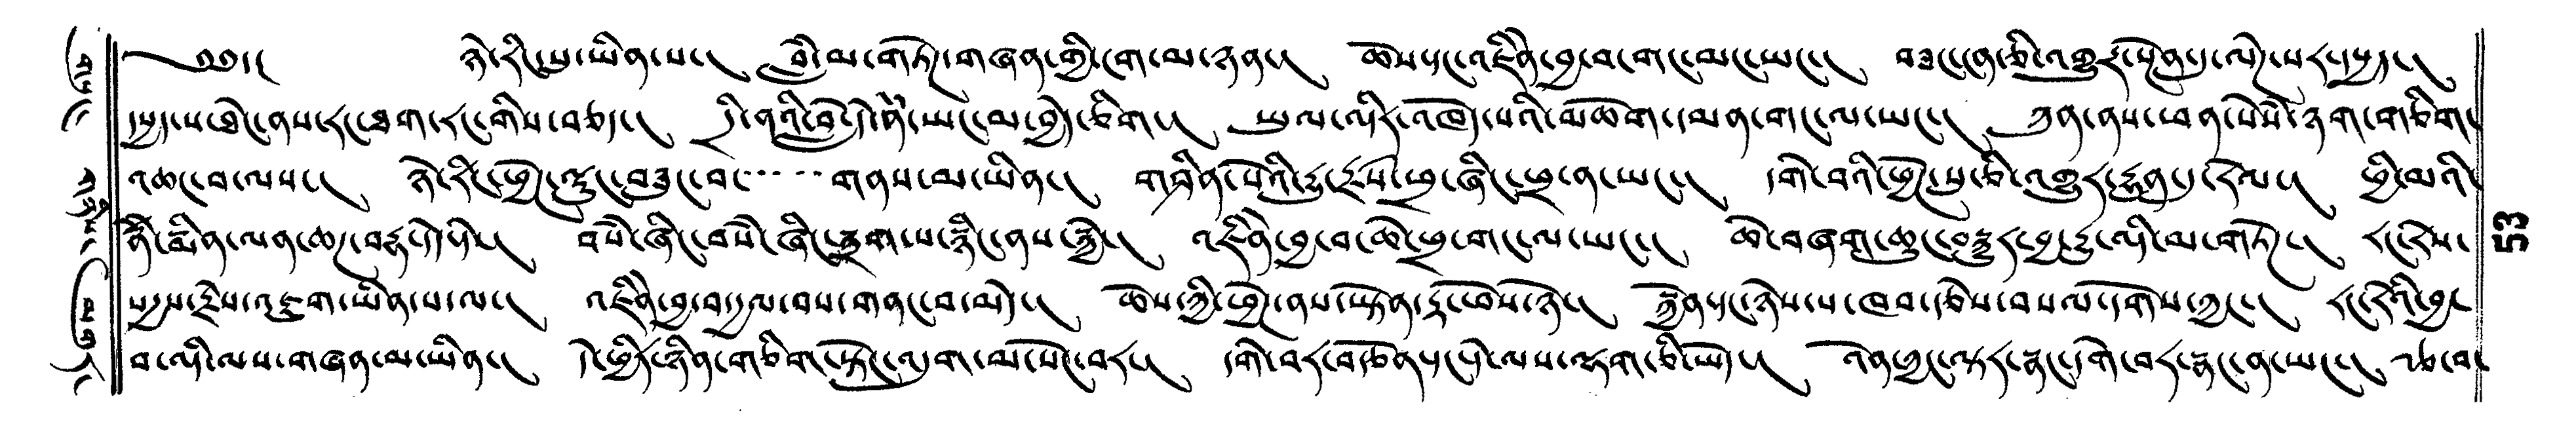ཉེ་རིང་སུ་ཡིན་ཀྱང་། །བླ་མ་མ་གཏོགས་གཞན་གྱི་ངག་མ་ཉན། །ཆོས་དང་འཇིག་རྟེན་བྱ་བ་གང་མང་ཡང་། །བཟང་ངན་ཅིར་འགྱུར་སྔོན་དུ་ལེགས་པར་དཔྱད། །
དཔྱད་པ་ཐོང་ནས་རང་ཐག་རང་གིས་བཅད། །དྲི་བའི་བློ་དེ་ནམ་ཡང་མ་བྱེད་ཅིག ཡུལ་འདིར་འཁོད་པའི་མཆོག་དམན་གང་ལ་ཡང་། །ཀུན་ནས་ཕན་སེམས་ཉག་གཅིག་
འཆང་བ་ལས། །ཉེ་རིང་ཕྱོགས་ལྷུང་བཟུང་བ་གནས་མ་ཡིན། །གཤིན་པོའི་རྒྱུ་རྫས་ཕྲ་ཞིང་ཕྲ་ན་ཡང་། །དགེ་བའི་ཕྱོགས་སུ་ཅི་འགྱུར་རྒྱུན་དུ་རོལ། །ཕྱི་མའི་
རྣམ་སྨིན་ལན་ཆགས་བདའ་འདེད་དེ། །བསམ་ཞིང་བསམ་ཞིང་སྐྲག་པ་སྙིང་ནས་སྐྱེ། །འཇིག་རྟེན་བྱ་བ་ཆེ་ཕྲ་གང་ལ་ཡང་། །ཆེ་བཞག་ཆུང་བསྐྱུར་བྱ་རྒྱུ་འདི་མ་གཏོགས། །རང་རེས་
སངས་རྒྱས་རྗེས་འཇུག་ཡིན་པ་ལ། །འཇིག་རྟེན་བྱ་བ་རྒྱལ་བས་གནང་བ་མེད། །ཆོས་ཀྱི་ཕྱོགས་ནས་ཡོན་ཏན་རྟ་ཕོས་ཉོ། །སྐྱོན་དང་ཉེས་པ་ཁབ་རྩེས་བསལ་དགོས་ཀྱང་། །རང་རེའི་བྱ་
བ་འདི་ལས་གཞན་མ་ཡིན། །དེ་ཕྱིར་ཉིན་གཅིག་སྟོང་འདུག་མ་སོང་བར། །དགེ་བར་བརྩོན་དང་དེ་ལས་ལྷག་ཅི་ཡོད། །འོན་ཀྱང་ལྟར་སྣང་དགེ་བར་སྣང་ན་ཡང་། །རྩ་བ་